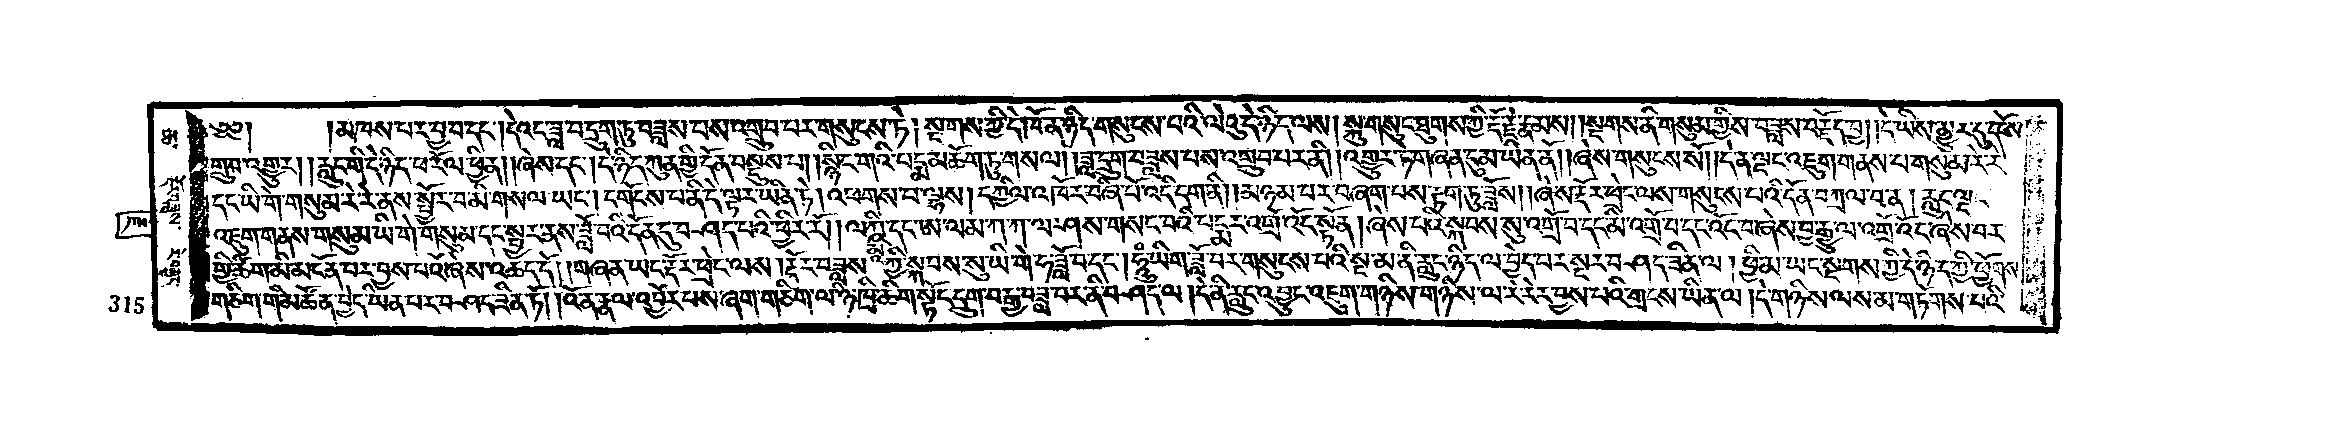༄༅། །མཁས་པར་བྱ་བ་དང་། དེའང་ཟླ་བ་དྲུག་ཏུ་བཟླས་པས་འགྲུབ་པར་གསུངས་ཏེ། སྔགས་ཀྱི་དེ་ཁོ་ན་ཉིད་གསུངས་པའི་ལེའུ་དེ་ཉིད་ལས། སྐུ་གསུང་ཐུགས་ཀྱི་རྡོ་རྗེ་རྣམས། །སྔགས་ནི་གསུམ་གྱིས་བཟླས་བརྗོད་བྱ། །དེ་ཡིས་མྱུར་དུ་དངོས་
གྲུབ་འགྱུར། །རླུང་གི་དེ་ཉིད་ཕ་རོལ་ཕྱིན། །ཞེས་དང་། དེ་ཉིད་ཀུན་གྱི་དོན་བསྡུས་པ། །སྙིང་གའི་པདམ་མཆོག་ཏུ་གསལ། །ཟླ་དྲུག་བཟླས་པས་འགྲུབ་པར་ནི། །འགྱུར་ཏེ་གཞན་དུ་མ་ཡིན་ནོ། །ཞེས་གསུངས་སོ། །དེ་ན་ལྡང་འཇུག་གནས་པ་གསུམ་རེ་རེ་
དང་ཡི་གེ་གསུམ་རེ་རེ་ནས་སྦྱོར་བ་མི་གསལ་ཡང་། དགོངས་པ་ནི་དེ་ལྟར་ཡིན་ཏེ། འཕགས་པ་ལྷས། དཀྱིལ་འཁོར་བཞི་པོ་འདི་དག་ནི། །མཉམ་པར་བཞག་པས་རྟག་ཏུ་ཟློས། །ཞེས་རྡོར་ཕྲེང་ལས་གསུངས་པའི་དོན་བཀྲལ་བ་ན། རླུང་ལྡང་
འཇུག་གནས་གསུམ་ཡི་གེ་གསུམ་དང་སྦྱར་ནས་ཟློ་བའི་དོན་དུ་བཤད་པའི་ཕྱིར་རོ། །ལཀིཥྨཱ་དང་ཨ་ལམ་ཀ་ཀ་ལ་ཤས་གསང་བའི་པདམར་འགྲོ་འོང་སྟོན། ཞེས་པའི་སྐབས་སུ་འགྲོ་བ་དང་མི་འགྲོ་བ་དང་འོང་བ་ཞེས་བྱ་རྒྱུ་ལ་འགྲོ་འོང་ཞེས་བར་
གྱི་ཚིག་མི་མངོན་པར་བྱས་པའོ་ཞེས་འཆད་དོ། །གཞན་ཡང་རྡོར་ཕྲེང་ལས། རྡོར་བཟླས་ཀྱི་སྐབས་སུ་ཡི་གེ་ཧ་ཟློ་བ་དང་། ཧཱུཾ་ཡིག་ཟློ་བར་གསུངས་པའི་སྔ་མ་ནི་རླུང་ཉིད་ལ་བྱེད་པར་སྔར་བཤད་ཟིན་ལ། ཕྱི་མ་ཡང་སྔགས་ཀྱི་དེ་ཉིད་ཀྱི་ཕྱོགས་
གཅིག་གི་མཚོན་བྱེད་ཡིན་པར་བཤད་ཟིན་ཏོ། །འོ་ན་རྣལ་འབྱོར་པས་ཞག་གཅིག་ལ་ཉི་ཁྲི་ཆིག་སྟོང་དྲུག་བརྒྱ་བཟླ་བར་ནི་བཤད་ལ། དེ་ནི་རླུང་འབྱུང་འཇུག་གཉིས་གཉིས་ལ་རེ་རེར་བྱས་པའི་གྲངས་ཡིན་ལ། དེ་གཉིས་ལས་མ་གཏོགས་པའི་